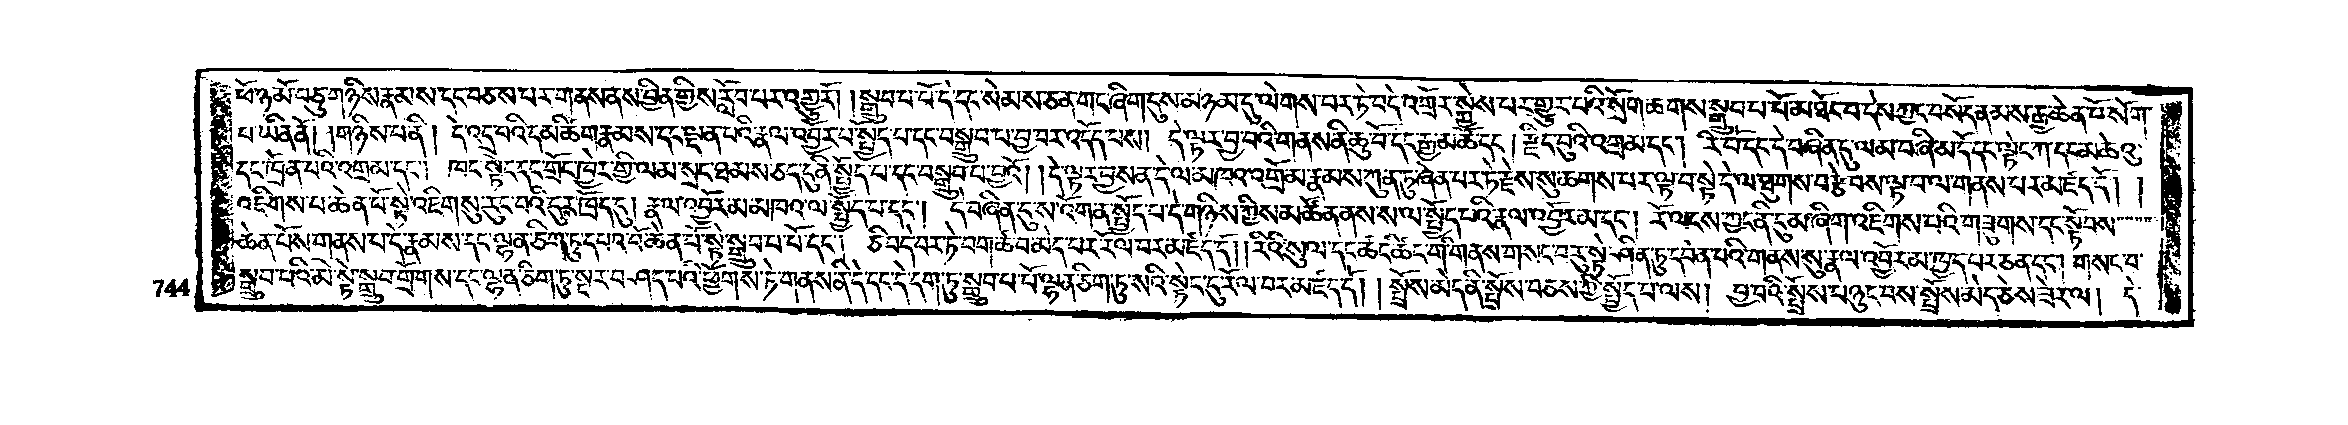ཕོ་ཉ་མོ་བཅུ་གཉིས་རྣམས་དང་བཅས་པར་གནས་ནས་བྱིན་གྱིས་རློབ་པར་འགྱུར་རོ། །སྒྲུབ་པ་པོ་དེ་དང་སེམས་ཅན་གང་ཞིག་དུས་མཉམ་དུ་ལེགས་པར་ཏེ་བདེ་འགྲོར་སྐྱེས་པར་གྱུར་པའི་སྲོག་ཆགས་སྒྲུབ་པ་པོ་མཐོང་བ་ངེས་ཀྱང་བསོད་ནམས་རྒྱ་ཆེན་པོ་སོག་
པ་ཡིན་ནོ། །གཉིས་པ་ནི། དེ་འདྲ་བའི་དམ་ཚིག་རྣམས་དང་ལྡན་པའི་རྣལ་འབྱོར་པ་སྤྱོད་པ་དང་བསྒྲུབ་པ་བྱ་བར་འདོད་པས། དེ་ལྟར་བྱ་བའི་གནས་ནི་ཆུ་བོ་དང་རྒྱ་མཚོ་དང་། རྫིད་བུའི་འགྲམ་དང་། རི་བོ་དང་དེ་བཞིན་དུ་ལམ་བཞི་མདོ་དང་ལྟེང་ཀ་དང་མཆེའུ་
དང་ཁྲོན་པའི་འགྲམ་དང་། ཁང་སྟེང་དང་གྲོང་ཁྱེར་གྱི་ལམ་སྲང་ཐམས་ཅད་དུ་ནི་སྤྱོད་པ་དང་བསྒྲུབ་པ་བྱའོ། །དེ་ལྟར་བྱས་ན་དེ་ལ་མཁའ་འགྲོ་མ་རྣམས་ཀུན་ཏུ་ཞེན་པར་ཏེ་རྗེས་སུ་ཆགས་པར་ལྟ་བ་སྟེ་དེ་ལ་ཐུགས་བརྩེ་བས་ལྟ་བ་ལ་གནས་པར་མཛད་དོ། །
འཇིགས་པ་ཆེན་པོ་སྟེ་འཇིགས་སུ་རུང་བའི་དུར་ཁྲོད་དུ། རྣལ་འབྱོར་མ་མཁའ་ལ་སྤྱོད་པ་དང་། དེ་བཞིན་དུ་ས་འོག་ན་སྤྱོད་པ་དེ་གཉིས་ཀྱིས་མཚོན་ནས་ས་ལ་སྤྱོད་པའི་རྣལ་འབྱོར་མ་དང་། རོ་ལངས་ཀྱང་ནི་དུ་མ་ཞིག་འཇིགས་པའི་གཟུགས་དང་སྟོབས་
ཆེན་པོས་གནས་པ་དེ་རྣམས་དང་ལྷན་ཅིག་ཏུ་དཔའ་བོ་ཆེན་པོ་སྟེ་སྒྲུབ་པ་པོ་དང་། ཅི་བདེ་བར་ཏེ་བག་ཚ་བ་མེད་པར་རོལ་བར་མཛད་དོ། །རིའི་སུལ་དང་ཚང་ཚིང་གི་གནས་གསང་བ་རུ་སྟེ་ཤིན་ཏུ་དབེན་པའི་གནས་སུ་རྣལ་འབྱོར་མ་ཁྱད་པར་ཅན་དང་། གསང་བ་
སྒྲུབ་པའི་མི་སྟེ་སྒྲུབ་གྲོགས་དང་ལྷན་ཅིག་ཏུ་སྔར་བཤད་པའི་ཕྱོགས་ཏེ་གནས་ནི་དེ་དང་དེ་དག་ཏུ་སྒྲུབ་པ་པོ་ལྷན་ཅིག་ཏུ་སའི་སྟེང་དུ་རོལ་བར་མཛད་དོ། །སྤྲོས་མེད་ནི་སྤྲོས་བཅས་ཀྱི་སྤྱོད་པ་ལས། བྱ་བའི་སྤྲོས་པ་ཉུང་བས་སྤྲོས་མེད་ཅེས་ཟེར་ལ། དེ་